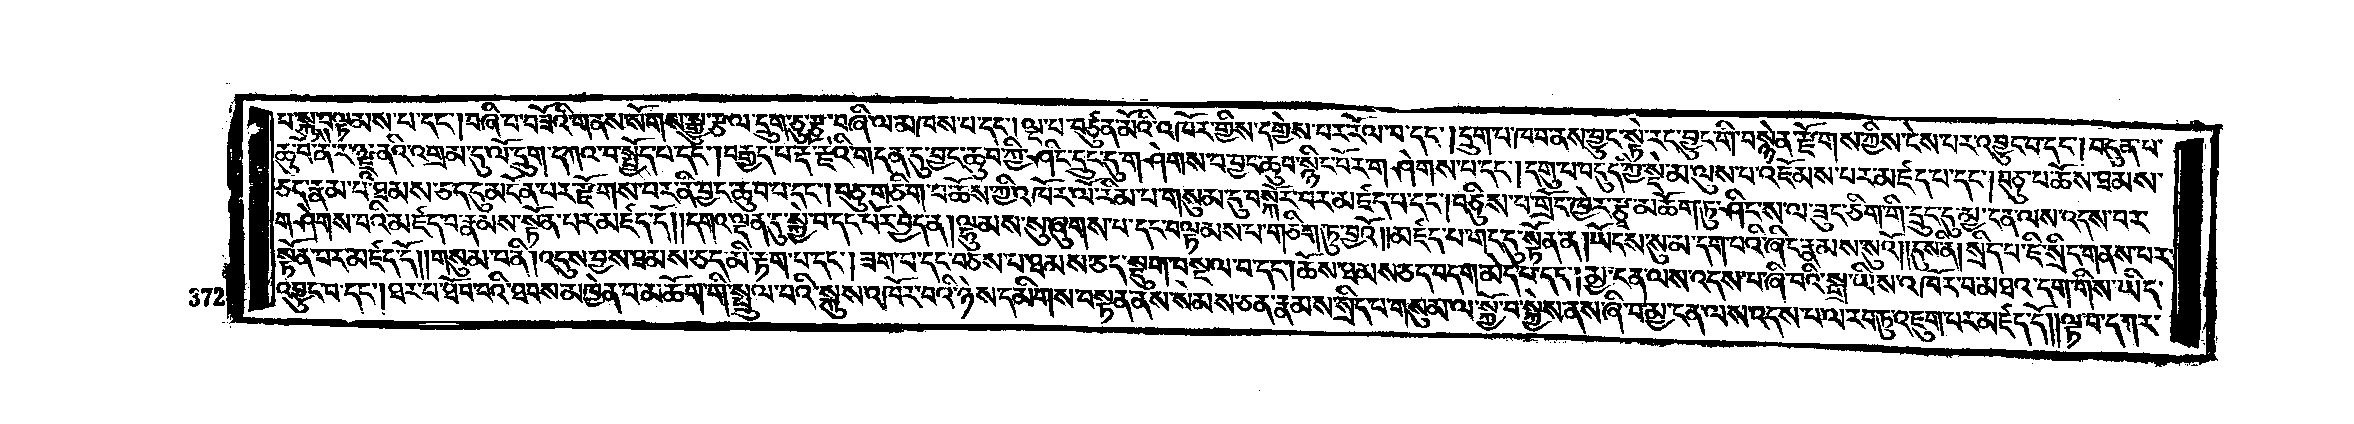པ་སྐུ་བལྟམས་པ་དང་། བཞི་པ་བཟོའི་གནས་སོགས་སྒྱུ་རྩལ་དྲུག་ཅུ་རྩ་བཞི་ལ་མཁས་པ་དང་། ལྔ་པ་བཙུན་མོའི་འཁོར་གྱིས་དགྱེས་པར་རོལ་བ་དང་། དྲུག་པ་ཁབ་ནས་བྱུང་སྟེ་རང་བྱུང་གི་བསྙེན་རྫོགས་ཀྱིས་ངེས་པར་འབྱུང་བ་དང་། བདུན་པ་
ཆུ་བོ་ནཻ་ར་ཉྫཱ་ནའི་འགྲམ་དུ་ལོ་དྲུག་དཀའ་བ་སྤྱོད་པ་དང་། བརྒྱད་པ་རྡོ་རྗེའི་གདན་དུ་བྱང་ཆུབ་ཀྱི་ཤིང་དྲུང་དུ་གཤེགས་པ་བྱང་ཆུབ་སྙིང་པོར་གཤེགས་པ་དང་། དགུ་པ་བདུད་ཀྱི་སྡེ་མ་ལུས་པ་འཇོམས་པར་མཛད་པ་དང་། བཅུ་པ་ཆོས་ཐམས་
ཅད་རྣམ་པ་ཐམས་ཅད་དུ་མངོན་པར་རྫོགས་པར་ནི་བྱང་ཆུབ་པ་དང་། བཅུ་གཅིག་པ་ཆོས་ཀྱི་འཁོར་ལོ་རིམ་པ་གསུམ་དུ་བསྐོར་བར་མཛད་པ་དང་། བཅུ་གཉིས་པ་གྲོང་ཁྱེར་རཙVཨ་མཆོག་ཏུ་ཤིང་ས་ལ་ཟུང་ཅིག་གི་དྲུང་དུ་མྱ་ངན་ལས་འདས་པར་
གཤེགས་པའི་མཛད་པ་རྣམས་སྟོན་པར་མཛད་དོ། །དགའ་ལྡན་དུ་སྐྱེ་བ་དང་པོར་བྱེད་ན། ལྷུམས་སུ་ཞུགས་པ་དང་བལྟམས་པ་གཅིག་ཏུ་བྱའོ། །མཛད་པ་གང་དུ་སྟོན་ན། ཡོངས་སུ་མ་དག་པའི་ཞིང་རྣམས་སུའོ། །དུས་ནི། སྲིད་པ་ཇི་སྲིད་གནས་པར་
སྟོན་པར་མཛད་དོ། །གསུམ་པ་ནི། འདུས་བྱས་ཐམས་ཅད་མི་རྟག་པ་དང་། ཟག་པ་དང་བཅས་པ་ཐམས་ཅད་སྡུག་བསྔལ་བ་དང་། ཆོས་ཐམས་ཅད་བདག་མེད་པ་དང་། མྱ་ངན་ལས་འདས་པ་ཞི་བའི་སྒྲ་ཡིས་འཁོར་བ་མཐའ་དག་གིས་ཡིད་
འབྱུང་བ་དང་། ཐར་པ་ཐོབ་པའི་ཐབས་མཁྱེན་པ་མཆོག་གི་སྤྲུལ་པའི་སྐུས་འཁོར་བའི་ཉེས་དམིགས་བསྟན་ནས་སེམས་ཅན་རྣམས་སྲིད་པ་གསུམ་ལ་སྐྱོ་བ་སྐྱེས་ནས་ཞི་བ་མྱ་ངན་ལས་འདས་པ་ལ་རབ་ཏུ་འཇུག་པར་མཛད་དོ། །ལྟ་བ་དཀར།